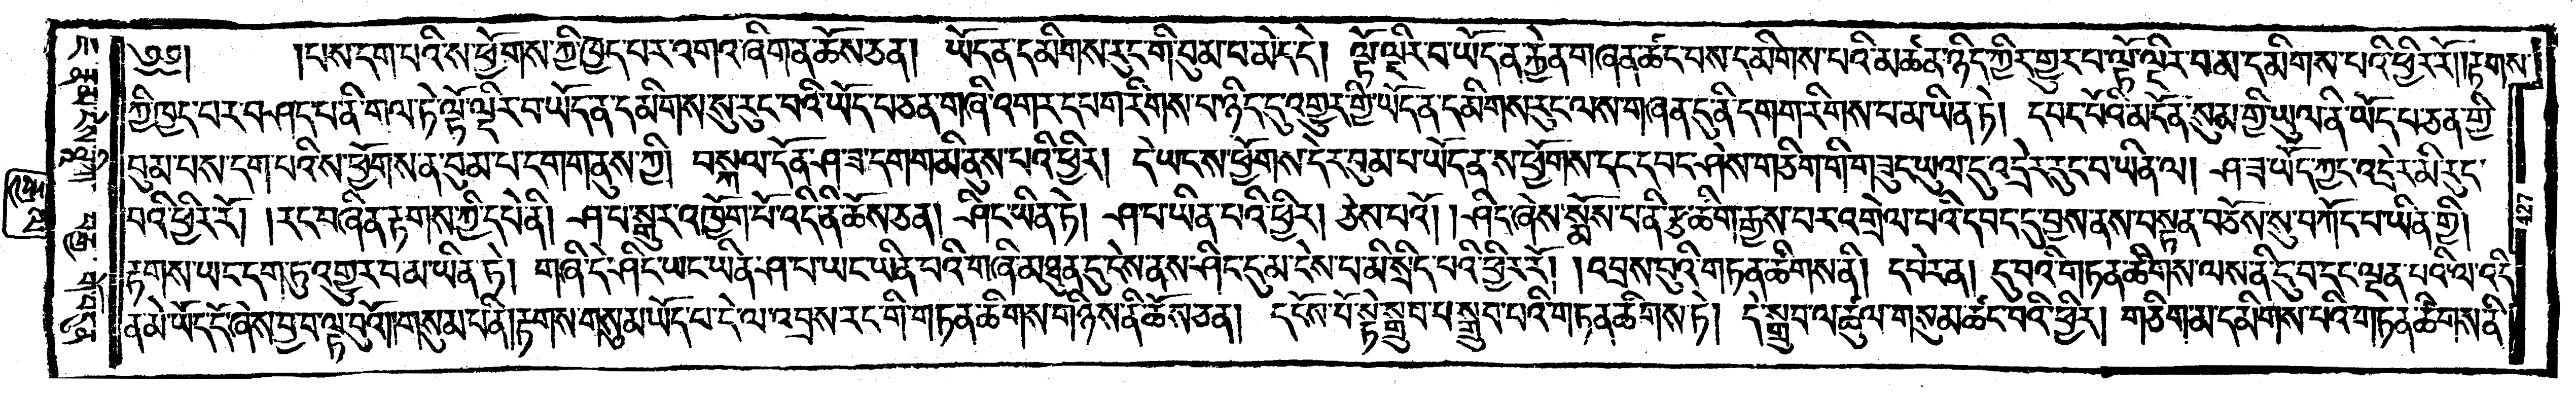༄༅། །པས་དག་པའི་ས་ཕྱོགས་ཀྱི་ཁྱད་པར་འགའ་ཞིག་ན་ཆོས་ཅན། ཡོད་ན་དམིགས་རུང་གི་བུམ་པ་མེད་དེ། ལྟོ་ལྡིར་བ་ཡོད་ན་རྐྱེན་གཞན་ཚང་བས་དམིགས་པའི་མཚན་ཉིད་ཀྱིར་གྱུར་པ་ལྟོ་ལྡིར་བ་མ་དམིགས་པའི་ཕྱིར་རོ། །རྟགས་
ཀྱི་ཁྱད་པར་བཤད་པ་ནི་གལ་ཏེ་ལྟོ་ལྡིར་བ་ཡོད་ན་དམིགས་སུ་རུང་བའི་ཡོད་པ་ཅན་གཞི་འགར་དཔག་རིགས་པ་ཉིད་དུ་འགྱུར་གྱི་ཡོད་ན་དམིགས་རུང་ལས་གཞན་དུ་ནི་དགག་རིགས་པ་མ་ཡིན་ཏེ། དབང་པོའི་མངོན་སུམ་གྱི་ཡུལ་ནི་ཡོད་པ་ཅན་གྱི་
བུམ་པས་དག་པའི་ས་ཕྱོགས་ན་བུམ་པ་དགག་ནུས་ཀྱི། བསྐལ་དོན་ཤ་ཟ་དགག་མི་ནུས་པའི་ཕྱིར། དེ་ཡང་ས་ཕྱོགས་དེར་བུམ་པ་ཡོད་ན་ས་ཕྱོགས་དང་དབང་ཤེས་གཅིག་གི་གཟུང་ཡུལ་དུ་འདྲེར་རུང་བ་ཡིན་ལ། ཤ་ཟ་ཡོད་ཀྱང་འདྲེར་མི་རུང་
བའི་ཕྱིར་རོ། །རང་བཞིན་རྟགས་ཀྱི་དཔེ་ནི། ཤ་པ་སྒུར་འཁྱོག་པོ་འདི་ནི་ཆོས་ཅན། ཤིང་ཡིན་ཏེ། ཤ་པ་ཡིན་པའི་ཕྱིར། ཅེས་པའོ། །ཤིང་ཞེས་སྨོས་པ་ནི་རྩ་ཚིག་རྒྱས་པར་འགྲེལ་པའི་དབང་དུ་བྱས་ནས་བསྟན་བཅོས་སུ་བཀོད་པ་ཡིན་གྱི།
རྟགས་ཡང་དག་ཏུ་འགྱུར་བ་མ་ཡིན་ཏེ། གཞི་དེ་ཤིང་ཡང་ཡིན་ཤ་པ་ཡང་ཡིན་པའི་གཞི་མཐུན་དུ་ངེས་ནས་ཤིང་དུ་མ་ངེས་པ་མི་སྲིད་པའི་ཕྱིར་རོ། །འབྲས་བུའི་གཏན་ཚིགས་ནི། དཔེར་ན། དུ་བའི་གཏན་ཚིགས་ལས་ནི་དུ་བ་དང་ལྡན་པའི་ལ་འདི་
ན་མེ་ཡོད་དོ་ཞེས་བྱ་བ་ལྟ་བུའོ། །གསུམ་པ་ནི། རྟགས་གསུམ་ཡོད་པ་དེ་ལ་འབྲས་རང་གི་གཏན་ཚིགས་གཉིས་ནི་ཆོས་ཅན། དངོས་པོ་སྟེ་སྒྲུབ་པ་སྒྲུབ་པའི་གཏན་ཚིགས་ཏེ། དེ་སྒྲུབ་ལ་ཚུལ་གསུམ་ཚང་བའི་ཕྱིར། གཅིག་མ་དམིགས་པའི་གཏན་ཚིགས་ནི་